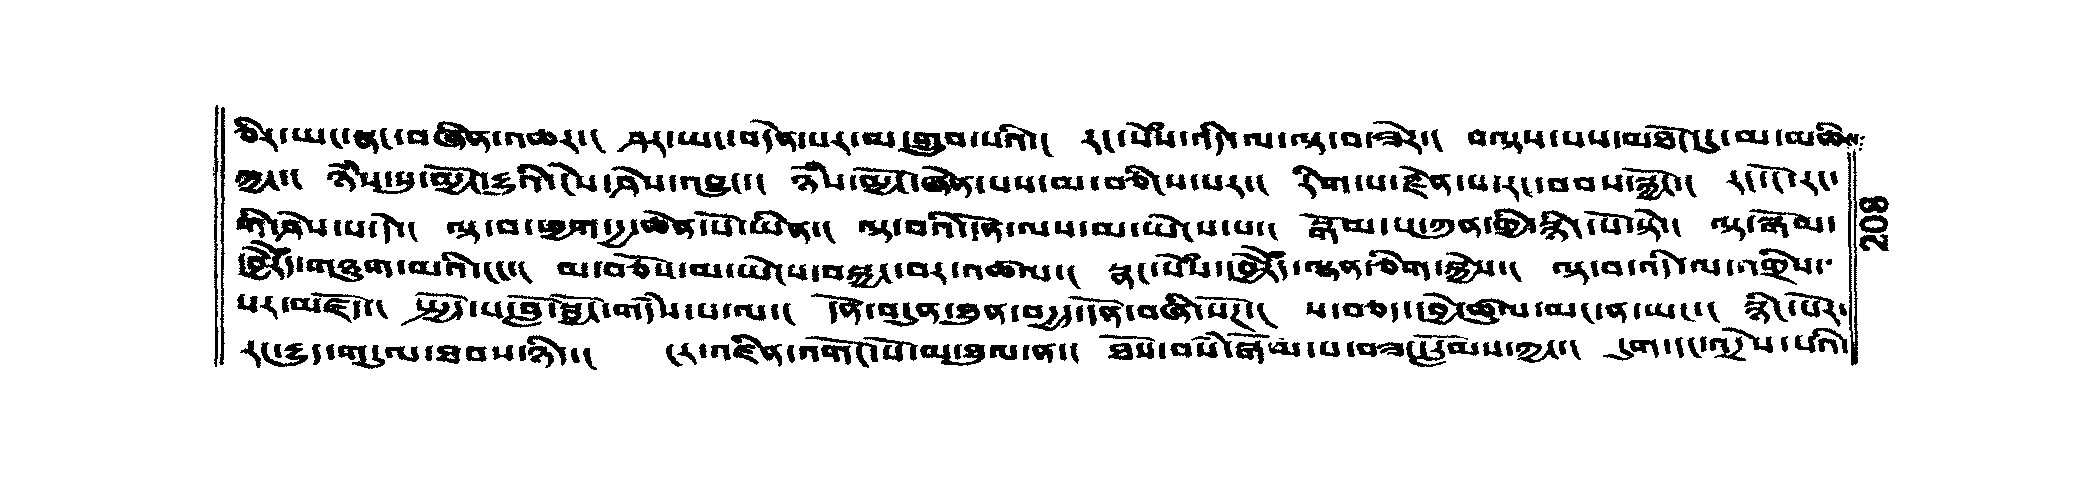ཅིར་ཡང་སྣང་བཞིན་འཆར། །ཤར་ཡང་བདེན་པར་མ་གྲུབ་པའི། །རང་སེམས་འདི་ལ་ལྟ་བ་ཟེར། །བལྟས་པས་མཐོང་དུ་མ་མཆིས་
ཀྱང་། །ཉམས་སུ་མྱོང་རྒྱུའི་ངེས་ཤེས་འབྱུང་། །ཉམས་མྱོང་ཞེན་པས་མ་བཅིངས་པར། །རིག་པ་རྗེན་པ་རང་བབས་སྐྱོང་། །རང་ངོ་རང་
གི་ཤེས་པ་དེ། །ལྟ་བ་ཕྱག་རྒྱ་ཆེན་པོ་ཡིན། །ལྟ་བའི་དོན་ལས་མ་ཡེངས་པ། །སྒོམ་པ་ཀུན་གྱི་སྙིང་པོ་སྟེ། །ལྟ་སྒོམ་
དབྱེར་མེད་གཉུག་མའི་ངང་། །མ་བཅོས་མ་ཡེངས་བསྐྱང་བར་འཚལ། །སྣང་སེམས་དབྱེར་མེད་ལྷན་ཅིག་སྐྱེས། །ལྟ་བའི་དོན་ལ་འདྲིས་
པར་མཛོད། །སྤྱོད་པ་བློ་སྦྱོང་གདམས་པ་ལ། །དོན་བདུན་ཐུན་བརྒྱད་དོན་བཞི་སོགས། །ས་བཅད་དབྱེ་ཚུལ་མང་ན་ཡང་། །སྙིང་པོར་
རང་རྒྱུད་གདུལ་ཐབས་ཉིད། །ངར་འཛིན་འགོང་པོ་མ་ཐུལ་ན། །ཐོས་བསམ་སྒོམ་པ་བཟང་རློམས་ཀྱང་། །དུག་དང་འདྲེས་པའི་